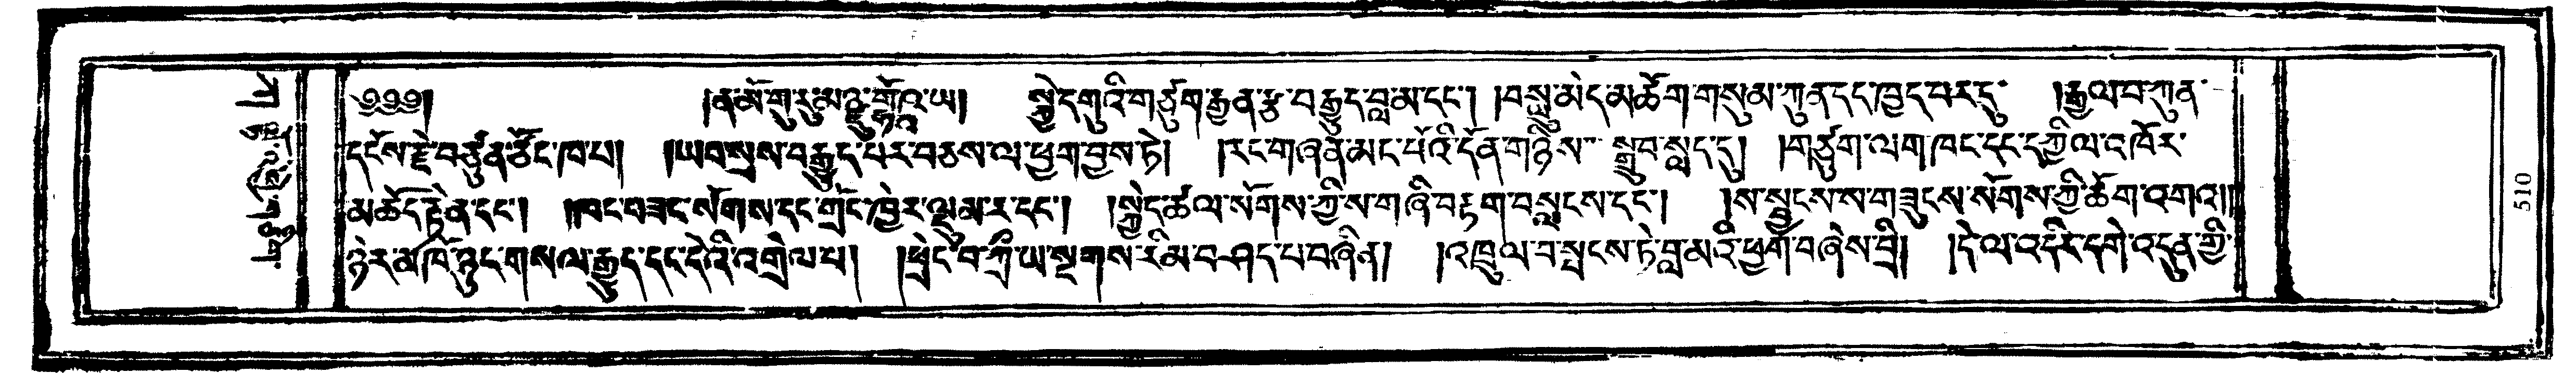༄༅༅། །ན་མོ་གུ་རུ་མཉྫུ་གྷོཥཱ་ཡ། སྐྱེ་དགུའི་གཙུག་རྒྱན་རྩ་བརྒྱུད་བླ་མ་དང་། །བསླུ་མེད་མཆོག་གསུམ་ཀུན་དང་ཁྱད་པར་དུ། རྒྱལ་བ་ཀུན་
དངོས་རྗེ་བཙུན་ཙོང་ཁ་པ། །ཡབ་སྲས་བརྒྱུད་པར་བཅས་ལ་ཕྱག་བྱས་ཏེ། །རང་གཞན་མང་པོའི་དོན་གཉིས་སྒྲུབ་སླད་དུ། །གཙུག་ལག་ཁང་དང་དཀྱིལ་འཁོར་
མཆོད་རྟེན་དང་། །ཁང་བཟང་སོགས་དང་གྲོང་ཁྱེར་ལྡུམ་ར་དང་། །སྐྱེད་ཚལ་སོགས་ཀྱི་ས་གཞི་བརྟག་བསླངས་དང་། །ས་སྦྱངས་ས་གཟུངས་སོགས་ཀྱི་ཆོག་འགའ། །
ཉེར་མཁོ་ཉུང་གསལ་རྒྱུད་དང་དེའི་འགྲེལ་པ། །ཕྲེང་བ་ཀྲྀ་ཡ་སྔགས་རིམ་བཤད་པ་བཞིན། །འཁྲུལ་བ་སྤངས་ཏེ་བླ་མའི་ཕྱག་བཞེས་བྲི། །དེ་ལ་འདིར་དགེ་འདུན་གྱི་